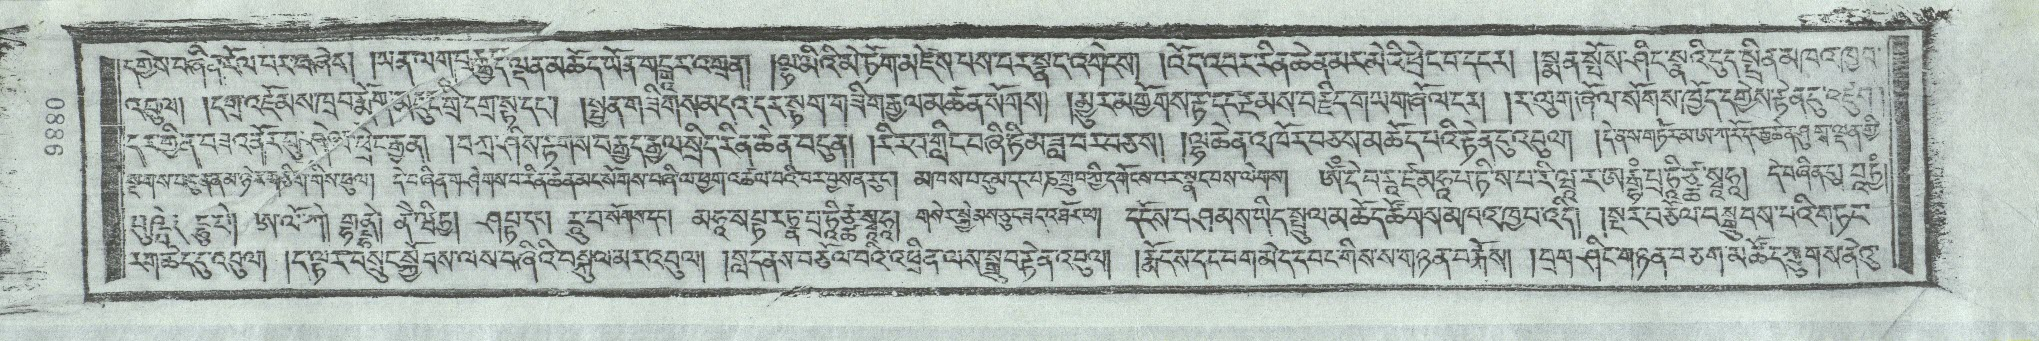དགྱེས་བཞིན་རོལ་པར་བཞེས། །ཡན་ལག་བརྒྱད་ལྡན་མཆོད་ཡོན་གངཱར་འགྲན། །ལྷ་མིའི་མེ་ཏོག་མཛེས་པས་བར་སྣང་འགེངས། །འོད་འབར་རིན་ཆེན་མར་མེའི་ཕྲེང་བ་དངར། །སྨན་སྤོས་ཤིང་སྣའི་དུད་སྤྲིན་མཁའ་ཁྱབ་
འབུལ། །དགྲ་འཇོམས་ཁྲབ་རྨོག་མདུང་གྲི་དགྲ་སྟ་དང་། །སྤྱན་གཟིགས་མདའ་དར་སྟག་གཟིག་རྒྱལ་མཚན་སོགས། །མྱུར་མགྱོགས་རྟ་དང་རྔམས་བརྗིད་གཡག་གཞོལ་ངར། །ར་ལུག་ཞོལ་སོགས་ཁྱོད་དགྱེས་རྟེན་དུ་འཛུག། །
དར་གྱི་ན་བཟའ་ནོར་བུ་ཤེལ་ཕྲེང་རྒྱན། །བཀྲ་ཤིས་རྟགས་བརྒྱད་རྒྱལ་སྲིད་རིན་ཆེན་བདུན། །རི་རབ་གླིང་བཞི་ཏིམ་ཟླ་བར་བཅས། །ལྷ་ཆེན་འཁོར་བཅས་མཆོད་པའི་རྟེན་དུ་འབུལ། །དེ་ནས་གཏོར་མ་ཨ་ཀ་རོ་དང་རྒྱ་ཆེན་ཤུགས་ལྡན་གྱི་
སྔགས་བདུན་ནམ་ཉེར་གཅིག་གིས་ཕུལ། དེ་བཞིན་གཤེགས་པ་རིན་ཆེན་མང་སོགས་བཞི་ལ་ཕྱག་འཚལ་བའི་བར་བྱས་ན་རུང་། མཁས་པ་དུམ་དང་པཎ་གྲུབ་ཀྱི་དགོངས་བར་སྣང་བས་ལེགས། ཨོཾ་དེ་བ་རཱ་ཛ་མྷཱ་པ་ཏི་ས་པ་རི་ཝཱ་ར་ཨརྒྷཾ་པྲ་ཏཱི་ཙཚ་སྭཱཧཱ། དེ་བཞིན་དུ། པཱཏྱཾ།
པུཥྤེ༑ དྷུ་པེ། ཨ་ལོ་ཀེ། གྷནྡྷེ། ནཻ་ཝིཏྱ། ཤཔྟ་དང་། རཱུ་བ་སོགས་དང་། མྷཱ་སཔྟ་རཏྣ་པྲ་ཏཱི་ཙྪ་སྭཧཱ། གསེར་སྐྱེར་བ་ཅུང་ཐང་འཐོར་ལ། དངོས་བཤམས་ཡིད་སྤྲུལ་མཆོད་ཚོགས་མཁའ་ཁྱབ་འདི། །སྔར་བཅོལ་བསྒུབས་པའི་གཏང་
རག་ཆེད་དུ་འབུལ། །ད་ལྟར་བསྲུང་སྐྱོབས་ལས་བཞིའི་བསྐུལ་མར་འབུལ། །སླད་ནས་བཅོལ་བའི་འཕྲིན་ལས་སྒྲུབ་རྟེན་འབུལ། །རྨོངས་དང་བག་མེད་དབང་གིས་ས་གཉན་བརྐོས། །དྲག་ཤིང་གཉན་བཅག་མཚོ་དཀྲུགས་ནེའུ་